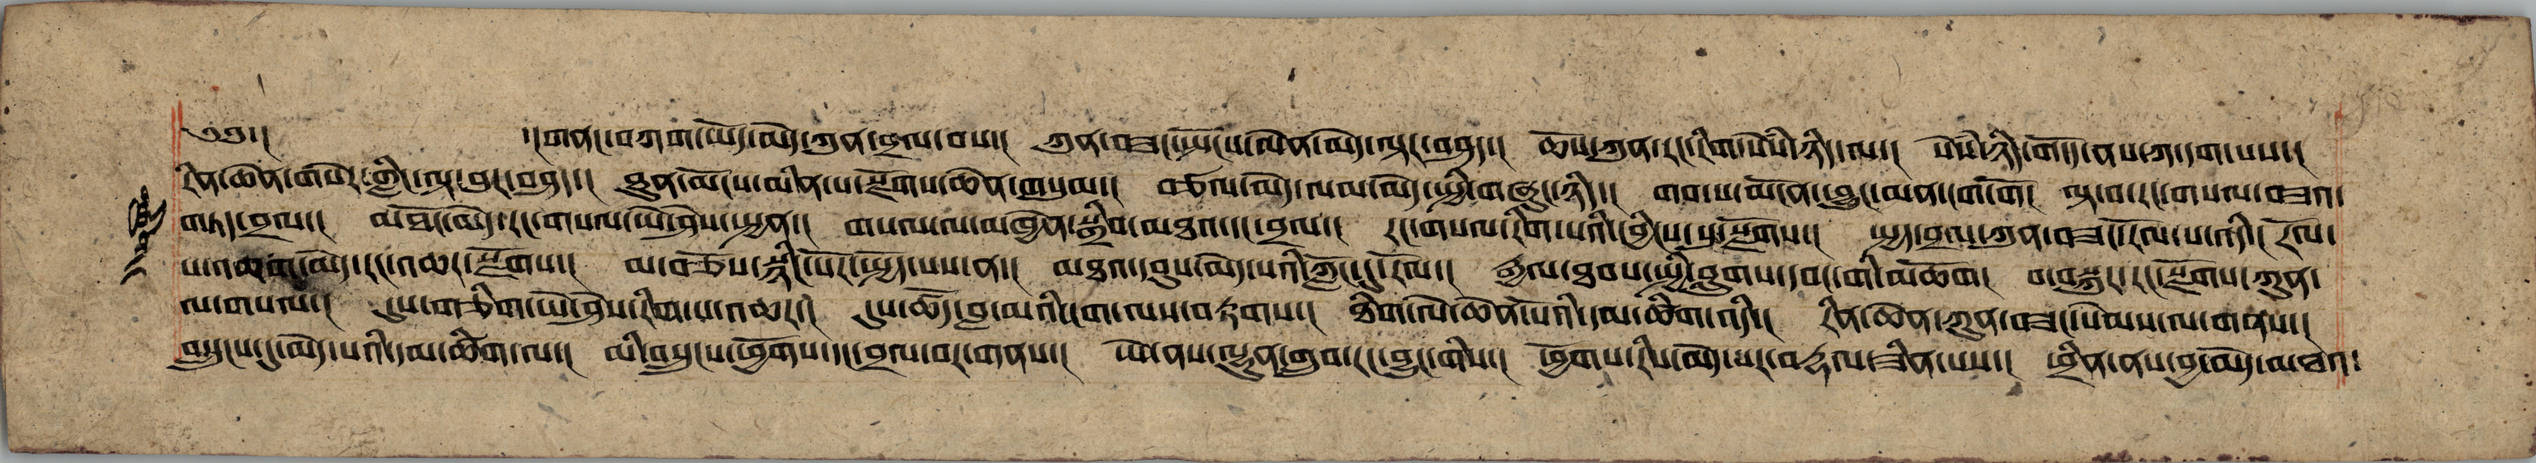༄༅་། ་།གནང་བཀག་ཡོད་མེད་ཀུན་བྲལ་བས་། ཀུན་བཟང་སྤོངས་ལེན་མེད་ལྟར་བཤད་། ཆོས་ཀུན་རང་རིག་སེཾས་ཉིད་ལ་། སེཾས་ཉིད་གདོད་ནས་ཀ་དག་པས་།
རིན་ཆེན་གསེར་གླིང་ལྟ་བུར་བཤད་། ཐུན་མོངས་མིན་པ་སྫོགས་ཆེན་གསུམ་། བཙལ་མེད་ལམ་མེད་སྤྱི་གཞུང་ཉིད་། གབ་པ་མངོན་བྱུང་མན་ངག་གོ། ལྟ་བ་རང་གསལ་བཟའ་
གཏད་བྲལ་། མཐོང་མེད་རང་གསལ་ཡེ་ཤེས་སྤྱན་། གསལ་ལ་མཁྱེན་སྒྲིབ་མཐའ་དང་བྲལ་། རང་གསལ་རིག་པའི་དབྱིངས་སུ་སྫོགས་། སྤྱད་བྲལ་ཀུན་བཟང་རོལ་པ་འདི་། རོལ་
པ་འཚག་མེད་རང་འཆར་སྫོགས་། མ་བཅོས་སྙིང་པོར་སྤྱོད་པས་ན་། མཐའ་དབུས་མེད་པའི་ཀློང་དུ་རོལ་། རྒྱལ་ཐབས་སྤྱི་བླུགས་དབང་གི་མཆོག། བ་བསྐུར་རང་སྫོགས་ཀུན་
ལ་གསལ་། དུས་གཅིག་ཡེ་ཤེས་རིག་པ་འཆར་། དུས་ཚོད་བླ་མའི་ངག་ལས་བརྟགས་། ཐིག་ལེ་ཆེན་པོའི་དམ་ཚིག་འདི་། རིན་ཆེན་ཀུན་བཟང་སེམས་ལ་གནས་།
བསྲུངས་དུ་མེད་པའི་དམ་ཚིག་ལ་། མི་བསྲུངས་ཕྱོགས་དང་བྲལ་བར་གནས་། ཡེ་ནས་ལྷུན་གྲུབ་རང་བྱུང་གིས་། ཕྱོགས་རིས་མེད་པར་བརྡལ་ཟིན་པས་། ཕྲིན་ནས་བྱ་མེད་མཐའ་